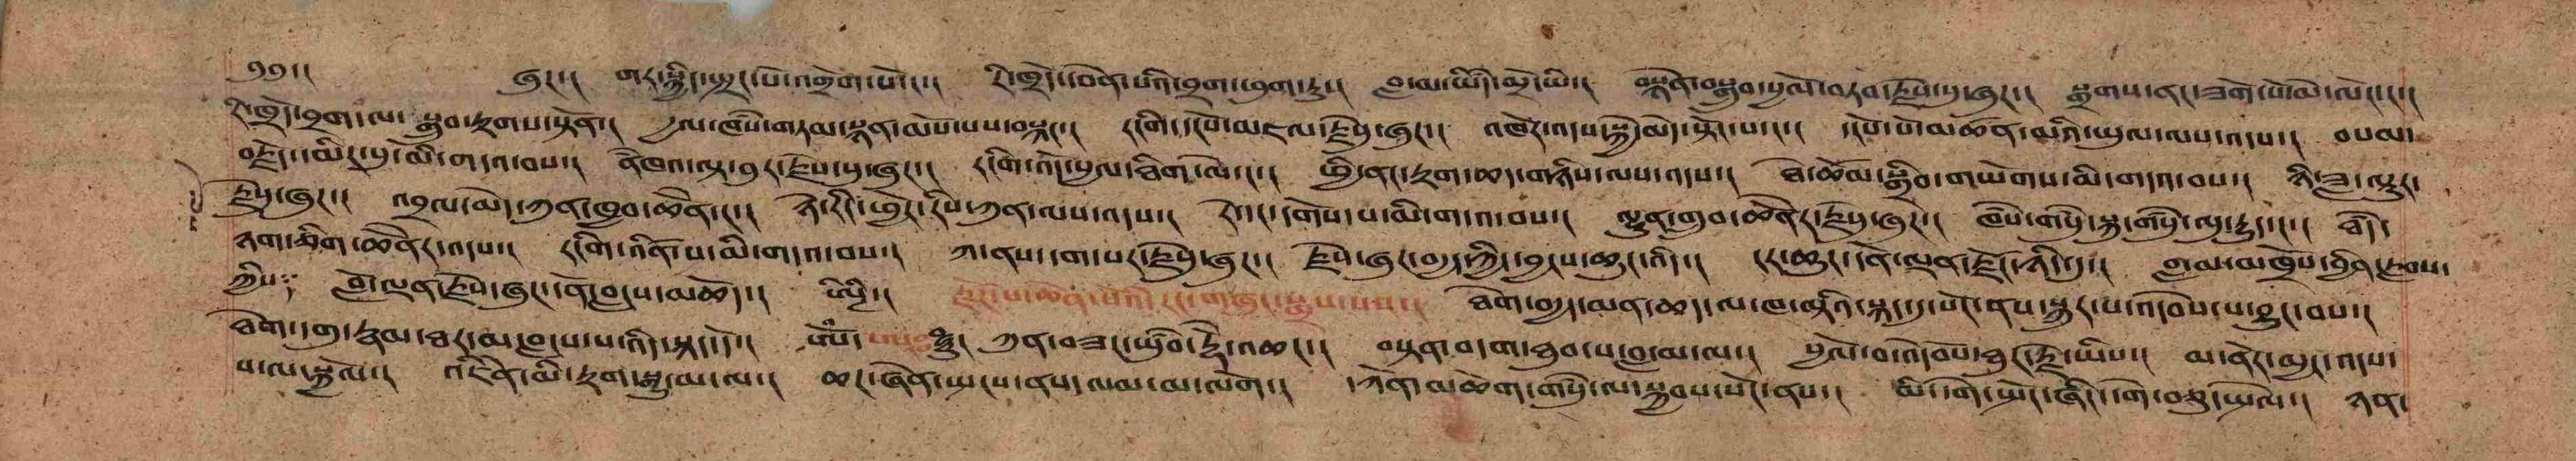༄༅་། ཞུགས། གར་སྐྱིད་སྤྲང་པོ་འགྲོག་པོ་ང་། རི་ཁྲོད་དབེན་པའི་བྲག་ཕུག་ཏུ། བླ་མ་ཡིད་དམ་མཁའ་འགྲོ་ཡི། བསྙེན་བསྒྲུབ་གསོལ་བཏབ་རྗེས་སུ་ཞུགས། སྒྲགས་ནང་ཟོག་པོ་མེ་ལོང་ང་། 
རི་ཁྲོད་བྲག་ལ་སྒྲུབ་རྟགས་སྟོན། རྒྱལ་ཁམས་གཏམ་སྙན་མོས་པས་བསྐང་། རང་རིག་དངོས་མཇལ་རྗེས་སུ་ཞུགས། འཁོར་འདས་སྐྱེ་མེད་སྟོང་པ་ང་། དངོས་པོ་མཚན་མའི་ཡུལ་ལས་འདས། བསལ་བ
རྗོད་དམིགས་སུ་མི་གདའ་བས། ནམ་མཁའ་ལྟ་བུར་རྗེས་སུ་ཞུགས། རང་རིག་འོད་གསལ་ཐིག་ལེ་ང་། ཕྱི་ནང་རྟག་ཆད་གཉིས་ལས་འདས། ཐེ་ཚོམ་སྒྲིབ་གཡོགས་མི་གདའ་བས། ཉི་ཟླ་ལྟ་བུར་
རྗེས་སུ་ཞུགས། འབྲལ་མེད་ཀུན་ཁྱབ་ཆེན་པོ་ང་། ཉེ་རིང་ཕྱོགས་རིས་ཀུན་ལས་འདས། རེ་དང་དགོས་པ་མི་གདའ་བས། ལྷུན་གྲུབ་ཆེན་པོར་རྗེས་སུ་ཞུགས། ཁམས་གསུམ་སྐུ་གསུམ་ལུ་དྱུད་ང་། ཐམས་ཅད་
ཉག་ཅིག་ཆེན་པོར་འདས། རང་རིག་འཛིན་པ་མི་གདའ་བས། ཀ་ནས་དག་པར་རྗེས་སུ་ཞུགས། རྗེས་ཞུགས་བརྒྱད་ཀྱི་དབྱངས་ཆུང་འདི། ངར་ཆུང་དོན་ལྡན་རྫོང་ཉིད་དུ། བླ་མ་མཁའ་འགྲོས་བྱིན་རླབས་
ཀྱིས༑ བློ་ལྡན་རྗེས་ཞུགས་དོན་བླངས་མཆོད། ཨིཊི། རྫོགས་པ་ཆེན་པོའི་རང་གཞུང་སྨྲས་པས། ཐེག་བརྒྱད་མན་ཆད་ལ་ཁ་ལྟའི་སྐད་དུ་སོང་ནས་སྐུར་པ་འདེབས་པ་བྱུང་བས། 
ཐེག་དགུ་རྣམ་ཐར་མ་བླངས་པ་འདི་སྐད་དོ། ཨོཾ་ཨཱཿ ཧཱུཾ། ཀུན་བཟང་ཡབ་ཡུམ་རྡོ་རྗེ་འཆང་། བསྟན་བདག་ཐུབ་པ་བླ་མ་ལ། གསོལ་བ་འདེབས་སོ་ཐུགས་རྗེ་ཡིས། མ་ནོར་མྱང་འདས་
བ་ལ་སྐྱོལ། འཇིག་རྟེན་མི་རྟག་སྒྱུ་མ་ལ། ཆགས་ཞེན་སྤངས་ནས་ལམ་མ་ལོག། དཀོན་མཆོག་གསུམ་ལ་སྐྱབས་སོང་ནས། མི་དགེ་སྤོང་ཞིང་དགེ་བཅུ་སྤེལ། ཉན་